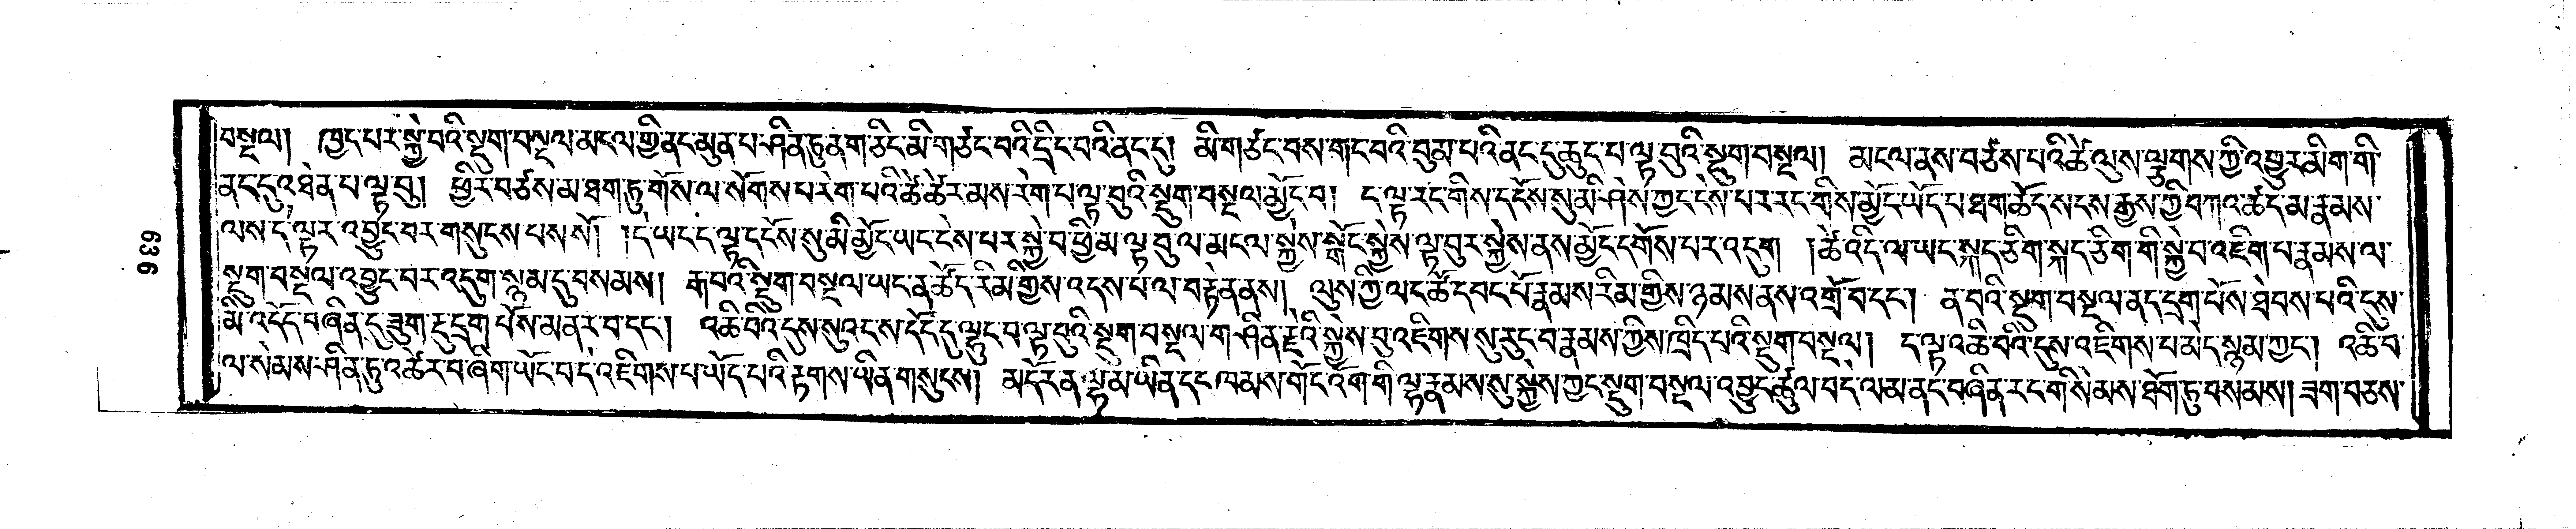བསྔལ། ཁྱད་པར་སྐྱེ་བའི་སྡུག་བསྔལ་མངལ་གྱི་ནང་མུན་པ་ཤིན་ཏུ་ནག་ཅིང་མི་གཙང་བའི་དྲི་ང་བའི་ནང་དུ། མི་གཙང་བས་གང་བའི་བུམ་པའི་ནང་དུ་ཆུད་པ་ལྟ་བུའི་སྡུག་བསྔལ། མངལ་ནས་བཙས་པའི་ཚེ་ལུས་ལྕགས་ཀྱི་འབྱུར་མིག་གི་
ནང་དུ་འཐེན་པ་ལྟ་བུ། ཕྱིར་བཙས་མ་ཐག་ཏུ་གོས་ལ་སོགས་པ་རེག་པའི་ཚེ་ཚེར་མས་རེག་པ་ལྟ་བུའི་སྡུག་བསྔལ་མྱོང་བ། ད་ལྟ་རང་གིས་དངོས་སུ་མི་ཤེས་ཀྱང་ངེས་པར་རང་གིས་མྱོང་ཡོད་པ་ཐག་ཆོད་སངས་རྒྱས་ཀྱི་བཀའ་ཚད་མ་རྣམས་
ལས་དེ་ལྟར་འབྱུང་བར་གསུངས་པས་སོ། །དེ་ཡང་ད་ལྟ་དངོས་སུ་མི་མྱོང་ཡང་ངེས་པར་སྐྱེ་བ་ཕྱི་མ་ལྟ་བུ་ལ་མངལ་སྐྱེས་སྒོང་སྐྱེས་ལྟ་བུར་སྐྱེས་ནས་མྱོང་དགོས་པར་འདུག །ཚེ་འདི་ལ་ཡང་སྐད་ཅིག་སྐད་ཅིག་གི་སྐྱེ་བ་འཇིག་པ་རྣམས་ལ་
སྡུག་བསྔལ་འབྱུང་བར་འདུག་སྙམ་དུ་བསམས། རྒ་བའི་སྡུག་བསྔལ་ཡང་ན་ཚོད་རིམ་གྱིས་འདས་པ་ལ་བརྟེན་ནས། ལུས་ཀྱི་ལང་ཚོ་དབང་པོ་རྣམས་རིམ་གྱིས་ཉམས་ནས་འགྲོ་བ་དང་། ན་བའི་སྡུག་བསྔལ་ནད་དྲག་པོས་ཐེབས་པའི་དུས་
མི་འདོད་བཞིན་དུ་ཟུག་རྡུ་དྲག་པོས་མནར་བ་དང་། འཆི་བའི་དུས་སུའང་ས་དོང་དུ་ལྷུང་བ་ལྟ་བུའི་སྡུག་བསྔལ་གཤིན་རྗེའི་སྐྱེས་བུ་འཇིགས་སུ་རུང་བ་རྣམས་ཀྱིས་ཁྲིད་པའི་སྡུག་བསྔལ། ད་ལྟ་འཆི་བའི་དུས་འཇིགས་པ་མེད་སྙམ་ཀྱང་། འཆི་བ་
ལ་སེམས་ཤིན་ཏུ་འཚེར་བ་ཞིག་ཡོང་བ་དེ་འཇིགས་པ་ཡོད་པའི་རྟགས་ཡིན་གསུངས། མདོར་ན་ལྷ་མ་ཡིན་དང་ཁམས་གོང་འོག་གི་ལྷ་རྣམས་སུ་སྐྱེས་ཀྱང་སྡུག་བསྔལ་འབྱུང་ཚུལ་བདེ་ལམ་ནང་བཞིན་རང་གི་སེམས་ཐོག་ཏུ་བསམས། ཟག་བཅས་